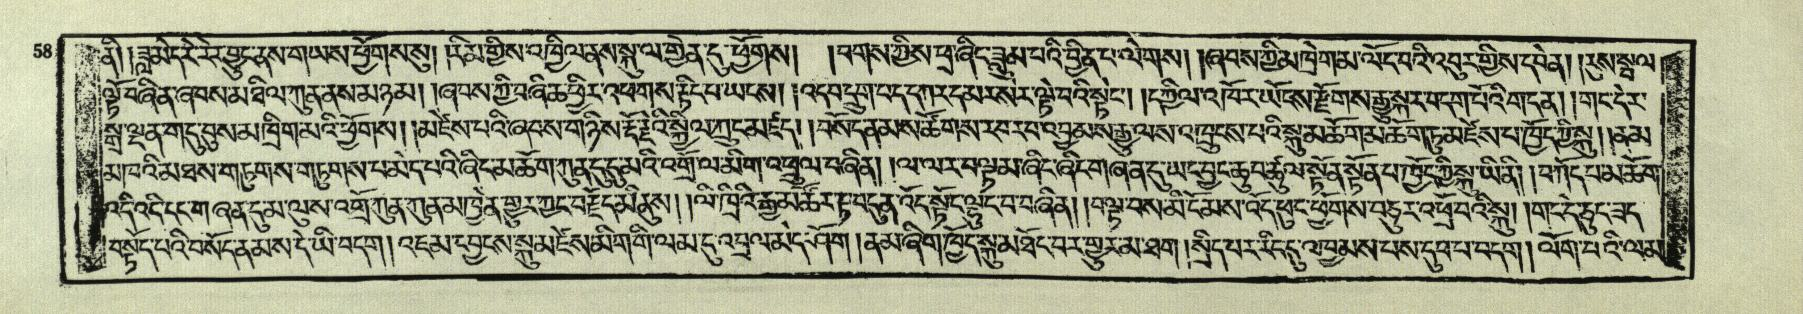ནི། །ཟླ་མེད་རེ་རེར་བྱུང་ནས་གཡས་ཕྱོགས་སུ། །རིམ་གྱིས་འཁྱིལ་ནས་སྐུ་ལ་གྱེན་དུ་ཕྱོགས། །བགས་ཀྱིས་ཕྲ་ཞིང་ཟླུམ་པའི་བྱིན་པ་ལེགས། །ཞབས་ཀྱི་མཁྲེག་མ་ལོང་བའི་འབུར་གྱིས་དབེན། །རུས་སྦལ་
ལྟོ་བཞིན་ཞབས་མཐིལ་ཀུན་ནས་མཉམ། །ཞབས་ཀྱི་བཞི་ཆ་ཕྱིར་འཕགས་རྟིང་པ་ཡངས། །འདབ་དྲུག་པད་དཀར་དམར་སེར་ལྟེ་བའི་སྟེང་། །དཀྱིལ་འཁོར་ཡོངས་རྫོགས་རྒྱུ་སྐར་བདག་པོའི་གདན། །གང་དེར་
སྒྲ་ལྡན་གདུ་བུས་མཁྲིག་མའི་ཕྱོགས། །མཛེས་པའི་ཞབས་གཉིས་རྡོ་རྗེའི་སྐྱིལ་ཀྲུང་མཛད། །བསོད་ནམས་ཚོགས་རབ་རབ་འབྱམས་རྒྱུ་ལས་འཁྲུངས་པའི་སྐུ་མཆོག་མཆོག་ཏུ་མཛེས་པ་ཁྱོད་ཀྱི་སྐུ། །ནམ་
མཁའི་མཐས་གཏུགས་གཏུགས་པ་མེད་པའི་ཞིང་མཆོག་ཀུན་དུ་དུ་མའི་འགྲོ་ལ་མིག་འཕྲུལ་བཞིན། །ལ་ལར་བལྟམ་ཞིང་ཞིང་གཞན་དུ་ཡང་བྱང་ཆུབ་ཚུལ་སྟོན་སྟོན་པ་ཁྱོད་ཀྱི་སྐུ་ཡི་ནི། །བཀོད་པ་མཆོག་
འདི་འདི་དང་གཞན་དུ་མ་ལུས་འགྲོ་ཀུན་ཀུན་མཁྱེན་གྱུར་ཀྱང་བརྗོད་མི་ནུས། །ལི་ཁྲིའི་རྒྱ་མཚོར་རྟ་བདུན་འོད་སྟོང་ལྷུང་བ་བཞིན། །བལྟ་བས་མི་ངོམས་འོད་ཕུང་ཕྱོགས་བཅུར་འཕྲོ་བའི་སྐུ། །གང་དེ་ཅུང་ཟད་
བསྟོད་པའི་བསོད་ནམས་དེ་ཡི་བདག །འཇམ་དབྱངས་སྐུ་མཛེས་མིག་གི་ལམ་དུ་འབྲལ་མེད་ཤོག །ནམ་ཞིག་ཁྱོད་སྐུ་མཐོང་བར་གྱུར་མ་ཐག །སྲིད་པར་རིང་དུ་འཁྱམས་པས་དུབ་པ་བདག །ལོག་པའི་ལམ་